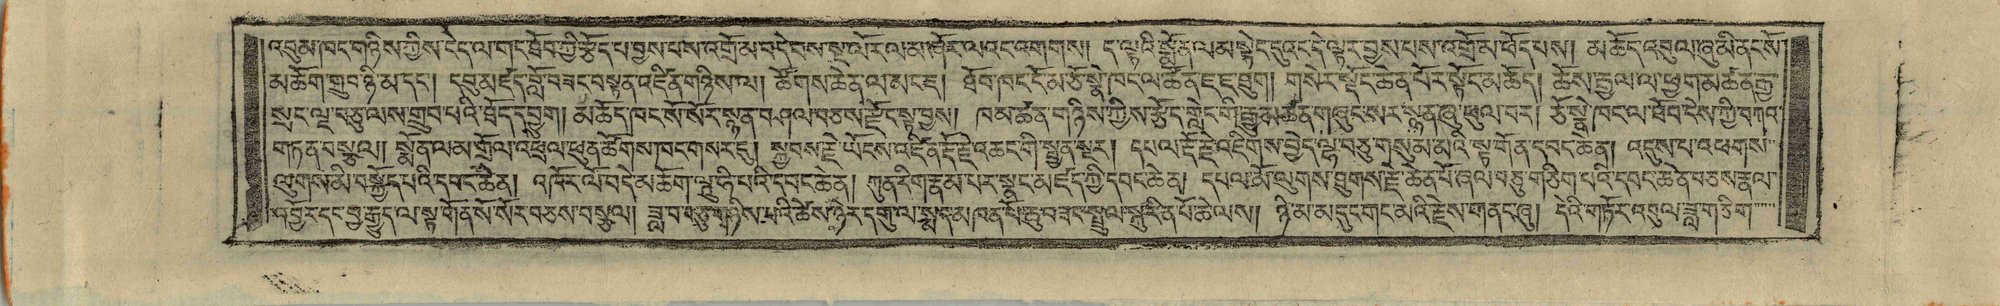འབུམ་ཁང་གཉིས་ཀྱིས་ངེད་ལ་གང་ཐོབ་ཀྱི་རྩོད་པ་བྱས་པས་འགྲོ་མ་བདེ་བས་སྔ་ལོར་ལམ་ཞོར་ལའང་འགགས། ད་ལྟའི་སྨོན་ལམ་སྟེང་དུའང་དེ་ལྟར་བྱས་པས་འགྲོ་མ་ཕོད་པས། མཆོད་འབུལ་ཞུ་མི་ནང་སོ་
མཆོག་གྲུབ་ཉི་མ་དང་། དབུ་མཛད་བློ་བཟང་བསྟན་འཛིན་གཉིས་ལ། ཚོགས་ཆེན་ལ་མང་ཇ། ཐོབ་ཁང་ངོ་མ་ཅོ་སྣེ་ཁང་ལ་ཚོན་ཇ་ཇ་ཐུག །གསེར་སྡོང་ཆེན་པོར་སྟོང་མཆོད། ཆོས་རྒྱལ་ལ་ཕྱག་མཚན་རྒྱ་
སྲང་ལྔ་བཅུ་ལས་གྲུབ་པའི་ཐོད་དབྱུག །མཆོད་ཁང་སོ་སོར་སྙན་བཤལ་བཅས་རྫོང་སྟ་བྱས། ཁམ་ཚན་གཉིས་ཀྱིས་རྩོད་གླེང་གི་རྒྱུ་མཚན་གཞུང་སར་སྙན་ཞུ་ཕུལ་བར། ཅོ་སྣེ་ཁང་ལ་ཐོབ་ངེས་ཀྱི་བཀའ་
གཏན་བསྩལ། སྨོན་ལམ་གྲོལ་འཕྲལ་ཕུན་ཚོགས་ཁང་གསར་དུ། སྐྱབས་རྗེ་ཡོངས་འཛིན་རྡོ་རྗེ་འཆང་གི་སྤྱན་སྔར། དཔལ་རྡོ་རྗེ་འཇིགས་བྱེད་ལྷ་བཅུ་གསུམ་མའི་སྟ་གོན་དབང་ཆེན། འདུས་པ་འཕགས་
ལུགས་མི་བསྐྱོད་པའི་དབང་ཆེན། འཁོར་ལོ་བདེ་མཆོག་ལཱུ་ཧི་པའི་དབང་ཆེན། ཀུན་རིག་རྣམ་པར་སྣང་མཛད་ཀྱི་དབང་ཆེན། དཔལ་མོ་ལུགས་ཐུགས་རྗེ་ཆེན་པོ་ཞལ་བཅུ་གཅིག་པའི་དབང་ཆེན་བཅས་རྣལ་
འབྱོར་དང་བྱ་རྒྱུད་ལ་སྟ་གོན་སོ་སོར་བཅས་བསྩལ། ཟླ་བ་བཅུ་གཉིས་པའི་ཚེས་ཉེར་དགུ་ལ་སྨད་མཁན་པོ་ཆུ་བཟང་སྤྲུལ་སྐུ་རིན་པོ་ཆེ་ལས། ཉི་མ་མདུང་གང་མའི་རྗེས་གནང་ཞུ། དེའི་གཏོར་འབུལ་ཟླ་གཅིག་